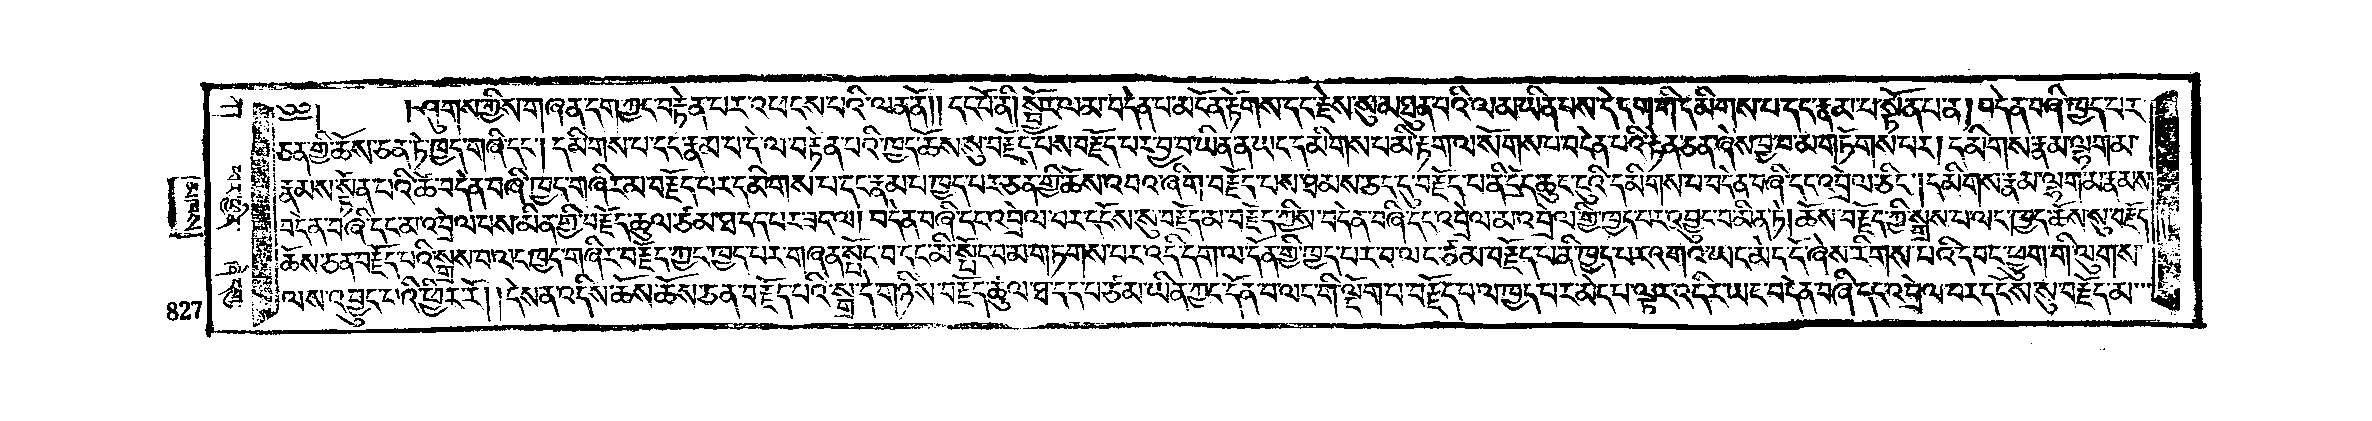༄༅། །ཤུགས་ཀྱིས་གཞན་དག་ཀྱང་བརྟེན་པར་འཕངས་པའི་ལན་ནོ། །དང་པོ་ནི། སྦྱོར་ལམ་བདེན་པ་མངོན་རྟོགས་དང་རྗེས་སུ་མཐུན་པའི་ལམ་ཡིན་པས་དེ་དག་གི་དམིགས་པ་དང་རྣམ་པ་སྟོན་པ་ན། བདེན་བཞི་ཁྱད་པར་
ཅན་གྱི་ཆོས་ཅན་ཏེ་ཁྱད་གཞི་དང་། དམིགས་པ་དང་རྣམ་པ་དེ་ལ་བརྟེན་པའི་ཁྱད་ཆོས་སུ་བརྗོད་པས་བརྗོད་པར་བྱ་བ་ཡིན་ན་ཡང་དམིགས་པ་མི་རྟག་ལ་སོགས་པ་བདེན་པའི་རྟེན་ཅན་ཞེས་བྱ་བ་མ་གཏོགས་པར། དམིགས་རྣམ་ལྷག་མ་
རྣམས་སྟོན་པའི་ཚེ་བདེན་བཞི་ཁྱད་གཞིར་མ་བརྗོད་པར་དམིགས་པ་དང་རྣམ་པ་ཁྱད་པར་ཅན་གྱི་ཆོས་འབའ་ཞིག་བརྗོད་པས་ཐམས་ཅད་དུ་བརྗོད་པ་ནི་དྲོད་ཆུང་ངུའི་དམིགས་པ་བདེན་བཞི་དང་འབྲེལ་ཅིང་། དམིགས་རྣམ་ལྷག་མ་རྣམས་
བདེན་བཞི་དང་མ་འབྲེལ་པས་མིན་གྱི་བརྗོད་ཚུལ་ཙམ་ཐ་དད་པར་ཟད་ལ། བདེན་བཞི་དང་འབྲེལ་བར་དངོས་སུ་བརྗོད་མ་བརྗོད་ཀྱིས་བདེན་བཞི་དང་འབྲེལ་མ་འབྲེལ་གྱི་ཁྱད་པར་འབྱུང་བ་མིན་ཏེ། ཆོས་བརྗོད་ཀྱི་སྒྲས་བ་ལང་ཁྱད་ཆོས་སུ་བརྗོད་
ཆོས་ཅན་བརྗོད་པའི་སྒྲས་བ་ལང་ཁྱད་གཞིར་བརྗོད་ཀྱང་ཁྱད་པར་གཞན་སྤོང་བ་དང་མི་སྤོང་བ་མ་གཏགས་པར་འདི་དག་ལ་དོན་གྱི་ཁྱད་པར་བ་ལང་ཙམ་བརྗོད་པ་ནི་ཁྱད་པར་འགའ་ཡང་མེད་དོ་ཞེས་རིགས་པའི་དབང་ཕྱུག་གི་ལུགས་
ལས་འབྱུང་པའི་ཕྱིར་རོ། །དེས་ན་འདིས་ཆོས་ཆོས་ཅན་བརྗོད་པའི་སྒྲ་དེ་གཉིས་བརྗོད་ཚུལ་ཐ་དད་པ་ཙམ་ཡིན་ཀྱང་དོན་བ་ལང་གི་ལྡོག་པ་བརྗོད་པ་ལ་ཁྱད་པར་མེད་པ་ལྟར་འདིར་ཡང་བདེན་བཞི་དང་འབྲེལ་བར་དངོས་སུ་བརྗོད་མ་